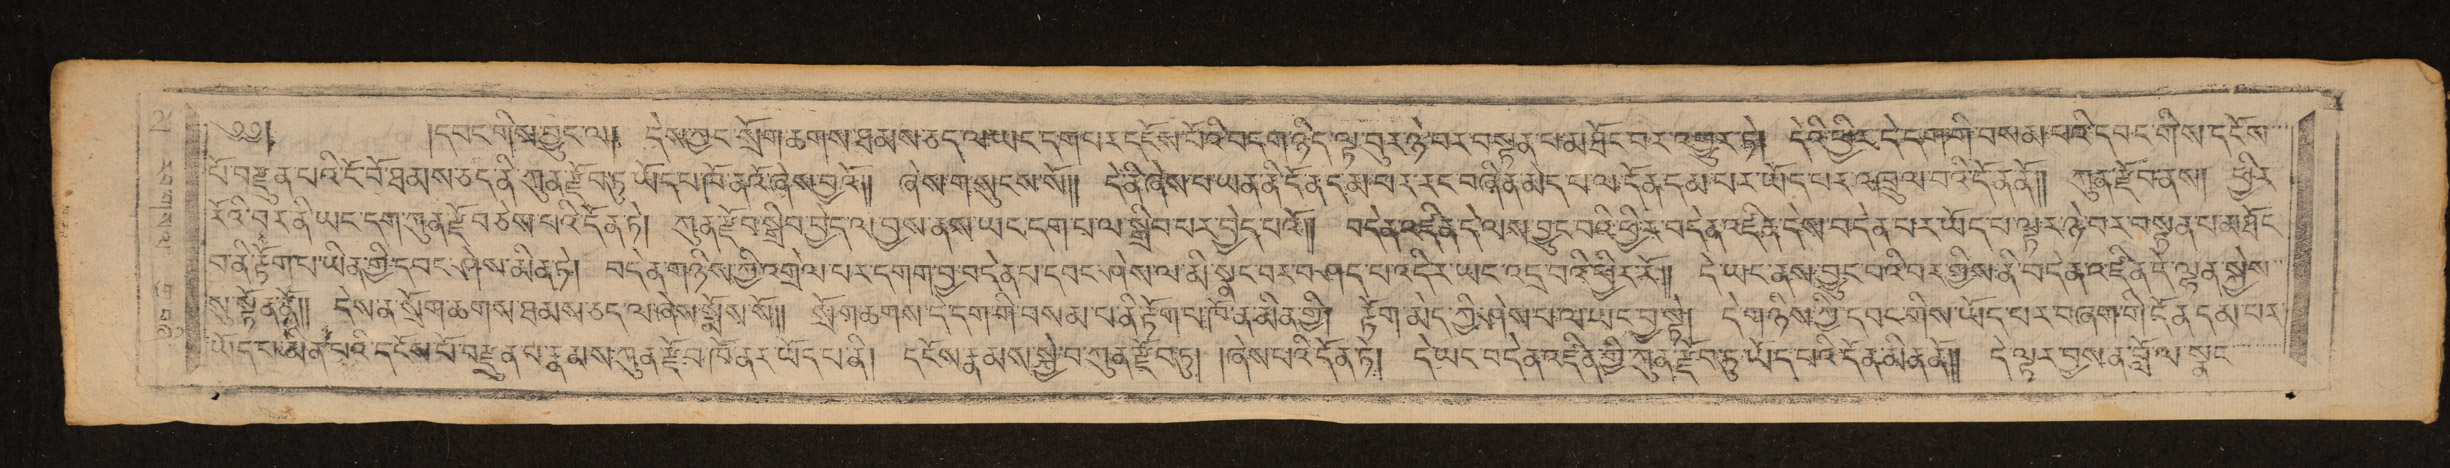༄༅། །དབང་གིས་བྱུང་ལ། དེས་ཀྱང་སྲོག་ཆགས་ཐམས་ཅད་ལ་ཡང་དག་པར་དངོས་པོའི་བདག་ཉིད་ལྟ་བུར་ཉེ་བར་བསྟན་པ་མཐོང་བར་འགྱུར་ཏེ། དེའི་ཕྱིར་དེ་དག་གི་བསམ་པའི་དབང་གིས་དངོས་
པོ་བརྫུན་པའི་ངོ་བོ་ཐམས་ཅད་ནི་ཀུན་རྫོབ་ཏུ་ཡོད་པ་ཁོ་ནའོ་ཞེས་བྱའོ།། ཞེས་གསུངས་སོ།། དེ་ནི་ཞེས་པ་ཡན་ནི་དོན་དམ་པར་རང་བཞིན་མེད་པ་ལ་དོན་དམ་པར་ཡོད་པར་འཁྲུལ་བའི་དོན་ནོ།། ཀུན་རྫོབ་ནས། ཕྱིར་
རོའི་བར་ནི་ཡང་དག་ཀུན་རྫོབ་ཅེས་པའི་དོན་ཏེ། ཀུན་རྫོབ་སྒྲིབ་བྱེད་ལ་བྱས་ནས་ཡང་དག་པ་ལ་སྒྲིབ་པར་བྱེད་པའོ།། བདེན་འཛིན་དེ་ལས་བྱུང་བའི་ཕྱིར་བདེན་འཛིན་དེས་བདེན་པར་ཡོད་པ་ལྟར་ཉེ་བར་བསྟན་པ་མཐོང་
བ་ནི་རྟོག་པ་ཡིན་གྱི་དབང་ཤེས་མིན་ཏེ། བདེན་གཉིས་ཀྱི་འགྲེལ་པར་དགག་བྱ་བདེན་པ་དབང་ཤེས་ལ་མི་སྣང་བར་བཤད་པ་འདིར་ཡང་འདྲ་བའི་ཕྱིར་རོ།། དེ་ཡང་ནས་བྱུང་བའི་བར་གྱིས་ནི་བདེན་འཛིན་དེ་ལྷན་སྐྱེས་
སུ་སྟོན་ནོ།། དེས་ན་སྲོག་ཆགས་ཐམས་ཅད་ལ་ཞེས་སྨོས་སོ།། སྲོག་ཆགས་དེ་དག་གི་བསམ་པ་ནི་རྟོག་པ་ཁོ་ན་མིན་གྱི། རྟོག་མེད་ཀྱི་ཤེས་པ་ལ་ཡང་བྱ་སྟེ། དེ་གཉིས་ཀྱི་དབང་གིས་ཡོད་པར་བཞག་གི་དོན་དམ་པར་
ཡོད་པ་མིན་པའི་དངོས་པོ་བརྫུན་པ་རྣམས་ཀུན་རྫོབ་ཁོ་ནར་ཡོད་པ་ནི། དངོས་རྣམས་སྐྱེ་བ་ཀུན་རྫོབ་ཏུ། །ཞེས་པའི་དོན་ཏེ། དེ་ཡང་བདེན་འཛིན་གྱི་ཀུན་རྫོབ་ཏུ་ཡོད་པའི་དོན་མིན་ནོ།། དེ་ལྟར་བྱས་ན་བློ་ལ་སྣང་